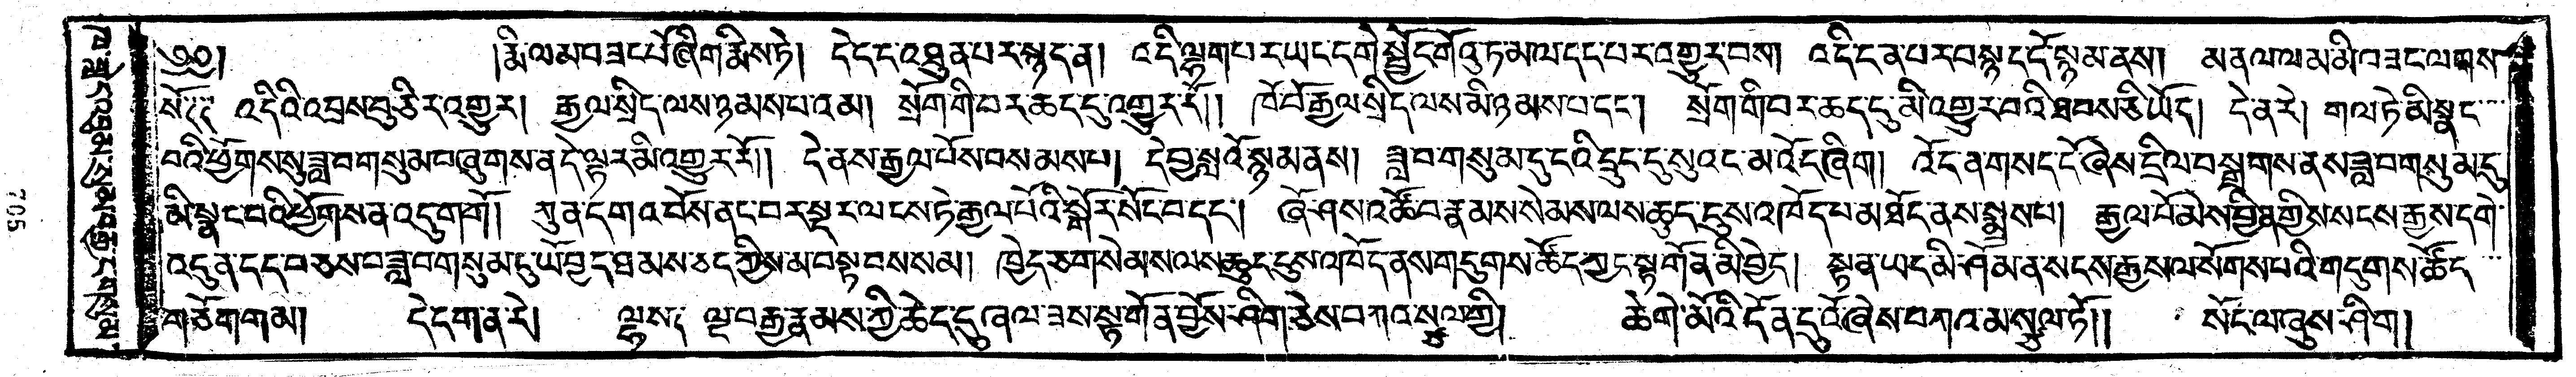༄༅། །རྨི་ལམ་བཟང་པོ་ཞིག་རྨིས་ཏེ། དེ་དང་འཐུན་པར་སྙད་ན། འདི་ལྷག་པར་ཡང་དགེ་སྦྱོང་གོའུ་ཏ་མ་ལ་དད་པར་འགྱུར་བས། འདི་ངན་པར་བསྙད་དོ་སྙམ་ནས། མནལ་ལམ་མི་བཟང་ལགས་
སོ༑༑ འདིའི་འབྲས་བུ་ཅིར་འགྱུར། རྒྱལ་སྲིད་ལས་ཉམས་པ་འམ། སྲོག་གི་བར་ཆད་དུ་འགྱུར་རོ།། ཁོ་བོ་རྒྱལ་སྲིད་ལས་མི་ཉམས་པ་དང་། སྲོག་གི་བར་ཆད་དུ་མི་འགྱུར་བའི་ཐབས་ཅི་ཡོད། དེ་ན་རེ། གལ་ཏེ་མི་སྣང་
བའི་ཕྱོགས་སུ་ཟླ་བ་གསུམ་བཞུགས་ན་དེ་ལྟར་མི་འགྱུར་རོ།། དེ་ནས་རྒྱལ་པོས་བསམས་པ། དེ་བྱ་སླའོ་སྙམ་ནས། ཟླ་བ་གསུམ་དུ་ངའི་དྲུང་དུ་སུའང་མ་འོང་ཞིག། འོང་ན་གསད་དོ་ཞེས་དྲིལ་བསྒྲགས་ནས་ཟླ་བ་གསུམ་དུ་
མི་སྣང་བའི་ཕྱོགས་ན་འདུག་གོ། ཀུན་དགའ་བོས་ནང་བར་སྔར་ལངས་ཏེ་རྒྱལ་པོའི་སྒོར་སོང་བ་དང་། ཞོ་ཤས་འཚོ་བ་རྣམས་སེམས་ལས་ཆུང་ངུས་འཁོད་པ་མཐོང་ནས་སྨྲས་པ། རྒྱལ་པོ་མེས་བྱིན་གྱིས་སངས་རྒྱས་དགེ་
འདུན་དད་བཅས་བ་ཟླ་བ་གསུམ་དུ་ཡོ་བྱད་ཐམས་ཅད་ཀྱིས་མ་བསྟབས་སམ། ཁྱེད་ཅག་སེམས་ལས་ཆུང་ངུས་འཁོད་ནས་གདུགས་ཚོད་ཀྱང་སྟ་གོན་མི་བྱེད། སྟན་ཡང་མི་ཤོམ་ན་སངས་རྒྱས་ལ་སོགས་པའི་གདུགས་ཚོད་
གཅོག་གམ། དེ་དག་ན་རེ། ལྷས༑ ལྔ་བརྒྱ་རྣམས་ཀྱི་ཆེད་དུ་ཞལ་ཟས་སྟ་གོན་བྱོས་ཤིག་ཅེས་བཀའ་སྩལ་གྱི། ཆེ་གེ་མོའི་དོན་དུའོ་ཞེས་བཀའ་མ་སྩལ་ཏོ།། སོང་ལ་ཞུས་ཤིག།